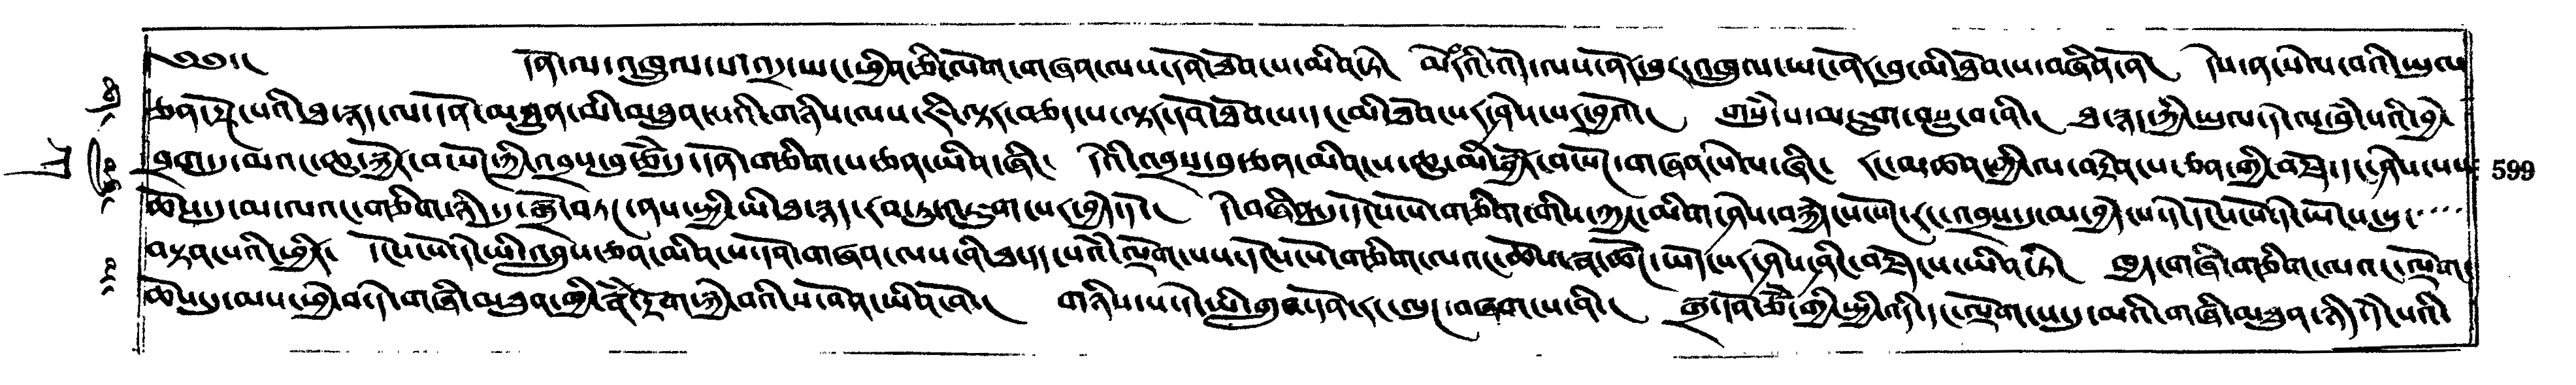དོན་ལ་འཁྲུལ་པ་འདྲ་ཡང་ཕྱིན་ཅི་ལོག་གཞན་ལས་དོན་ཐོབ་པ་མིན་ཏེ། མར་མེའི་འོད་ལས་ནོར་བུར་འཁྲུལ་ཡང་ནོར་བུ་མི་འཐོབ་པ་བཞིན་ནོ།། དེས་ན་སེལ་བའི་ཡུལ་
ཅན་རྟོགས་པའི་ཐ་སྙད་ལ་དོན་མཐུན་མི་མཐུན་པ་གཉིས་ལས་ཇི་ལྟར་བཅད་པ་ལྟར་དོན་ཐོབ་པ་དང་མི་འཐོབ་པར་ཤེས་པར་བྱའོ།། གསུམ་པ་མཇུག་བསྡུ་བ་ནི། ཐ་སྙད་ཀྱི་ཡུལ་དེ་ལ་བུམ་པའི་བྱེ་
བྲག་དུ་མའང་ཆུ་སྐྱོར་བ་སོགས་ཀྱི་འབྲས་བུ་ཙམ་དུ་དོན་གཅིག་པ་ཅན་ཡིན་ཞིང་། དེའི་འབྲས་བུ་ཅན་མིན་པ་ཆུ་མི་སྐྱོར་བ་སོགས་གཞན་སེལ་ཞིང་། རང་མཚན་གྱི་ཡུལ་ལ་བརྟེན་པ་ཅན་གྱི་བརྗོད་པ་དང་ཤེས་པས་
ཆོས་དུ་མ་ལའང་གཅིག་ཉིད་དུ་སྒྲོ་བཏགས་ནས་སྤྱི་འི་ཐ་སྙད་རབ་ཏུ་འཇུག་པར་བྱེད་དོ།། དེ་བཞིན་དུ་དངོས་པོ་གཅིག་གིས་ཀྱང་མིག་ཤེས་བསྐྱེད་པ་སོགས་རང་འབྲས་དུ་མ་བྱེད་པ་དེ་དངོས་པོ་དེ་ཡོངས་སུ་
བསྟན་པའི་ཕྱིར། དངོས་པོ་དེའི་འབྲས་བུ་ཅན་མིན་པ་དོན་གཞན་ལས་ནི་ཐ་དད་པའམ་ལྡོག་པས་དངོས་པོ་གཅིག་ལའང་ཆོས་སྣ་ཚོགས་ཡོད་པར་ཤེས་ཤིང་བརྗོད་པ་ཡིན་ཏེ།ཁྱད་གཞི་གཅིག་ལའང་ལྡོག་
ཆོས་དུ་མས་ཕྱེ་བ་དེ་གཞི་མཐུན་གྱི་རྣམ་རྟོག་སྐྱེ་བའི་ས་བོན་ཡིན་ནོ།། གཉིས་པ་དེའི་གྲུབ་དོན་རང་ལུགས་བཞག་པ་ནི། སྒྲ་དོན་ཙམ་གྱི་སྤྱི་འདི་དང་ལྡོག་པ་དུ་མའི་གཞི་མཐུན་ཉིད་དམ་པའི་